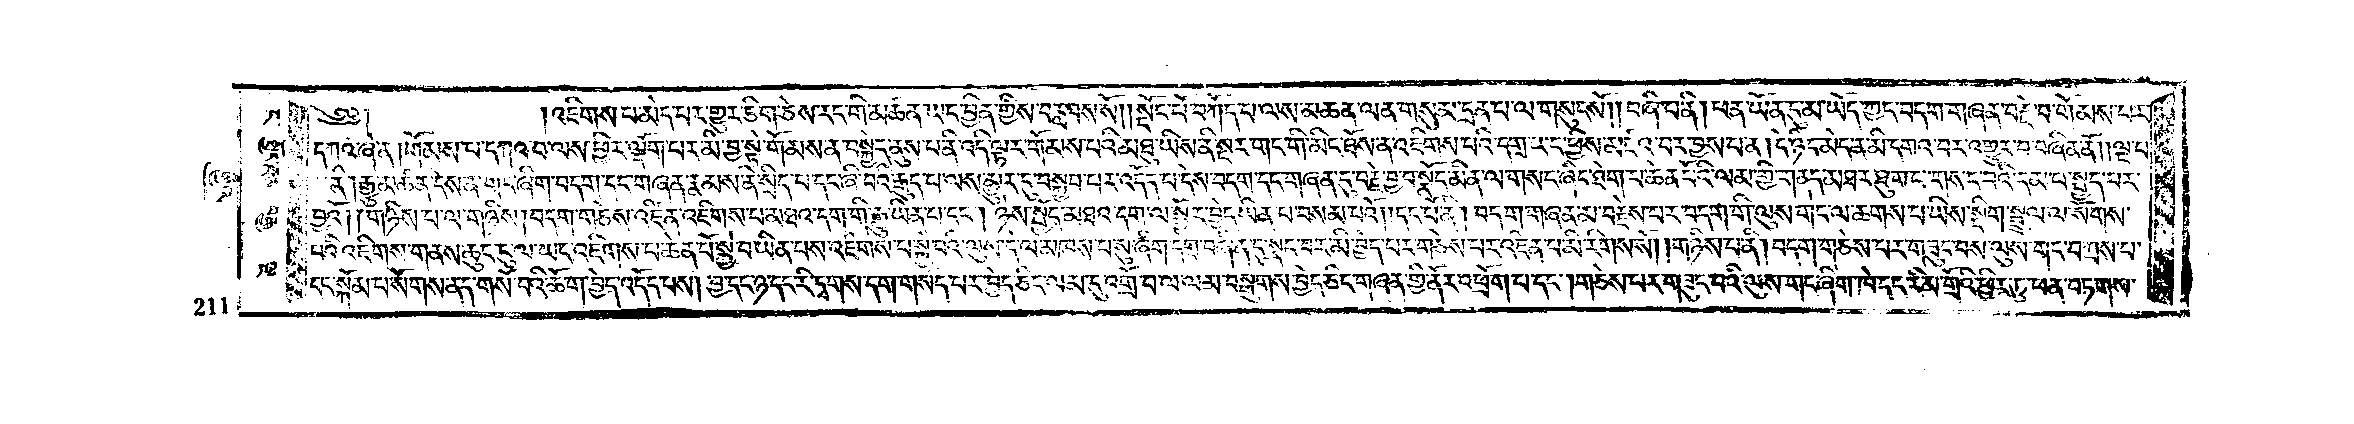༄༅། །འཇིགས་པ་མེད་པར་གྱུར་ཅིག་ཅེས་རང་གི་མཚན་ཡང་བྱིན་གྱིས་བརླབས་སོ། །སྡོང་པོ་བཀོད་པ་ལས་མཚན་ལན་གསུམ་དྲན་པ་ལ་གསུངས་སོ། །བཞིན་པ་ནི། ཕན་ཡོན་དུ་མ་ཡོད་ཀྱང་བདག་གཞན་བརྗེ་པ་གོམས་པར་
དཀའ་ཞེ་ན། གོམས་པ་དཀའ་བ་ལས་ཕྱིར་ལྡོག་པར་མི་བྱ་སྟེ་གོམས་ན་བསྐྱེད་ནུས་པ་ནི་འདི་ལྟར་གོམས་པའི་མཐུ་ཡིས་ནི་སྔར་གང་གི་མིང་ཐོས་ན་འཇིགས་པའི་དགྲ་ཡང་ཕྱིས་མཛའ་བར་བྱས་པ་ན། དེ་ཉིད་མེད་ན་མི་དགའ་བར་འགྱུར་བ་བཞིན་ནོ། །ལྔ་པ་
ནི༑ རྒྱུ་མཚན་དེས་ན་གང་ཞིག་བདག་དང་གཞན་རྣམས་ནི་སྲིད་པ་དང་ཞི་བའི་རྒྱུད་པ་ལས་མྱུར་དུ་བསྐྱབ་པར་འདོད་པ་དེས་བདག་དང་གཞན་དུ་བརྗེ་བྱ་བ་སྣོད་མིན་ལ་གསང་ཞིང་ཐེག་པ་ཆེན་པོའི་ལམ་གྱི་གནད་མཐར་ཐུག་པ་གསང་བའི་དམ་པ་སྤྱད་པར་
བྱའོ༑ ༑གཉིས་པ་ལ་གཉིས། བདག་གཅེས་འཛིན་འཇིགས་པ་མཐའ་དག་གི་རྒྱུ་ཡིན་པ་དང་། ཉེས་སྤྱོད་མཐའ་དག་ལ་སྦྱོར་བྱེད་ཡིན་པ་བསམ་པའོ། །དང་པོ་ནི། བདག་གཞན་མ་བརྗེས་པར་བདག་གི་ལུས་གང་ལ་ཆགས་པ་ཡིས་སྡིག་སྦྲུལ་ལ་སོགས་
པའི་འཇིགས་གནས་ཆུང་ངུ་ལ་ཡང་འཇིགས་པ་ཆེན་པོ་སྐྱེ་བ་ཡིན་པས་འཇིགས་པ་སྐྱེ་བའི་ལུས་དེ་ལ་མཁས་པ་སུ་ཞིག་དགྲ་བཞིན་དུ་སྡང་ཐར་མི་བྱེད་པར་གཅེས་པར་འཛིན་པ་མི་རིགས་སོ། །གཉིས་པ་ནི། བདག་གཅེས་པར་གཟུང་བས་ལུས་གང་བཀྲས་པ་
དང་སྐོམ་པ་སོགས་ནད་གསོ་བའི་ཆོ་ག་བྱེད་འདོད་པས། བྱ་དང་ཉ་དང་རི་དྭགས་གསོད་པར་བྱེད་ཅིང་ལམ་དུ་འགྲོ་བ་ལ་ལམ་བསྒུགས?་བྱེད་ཅིང་གཞན་གྱི་ནོར་འཕྲོག་པ་དང་། གཅེས་པར་གཟུང་བའི་ལུས་གང་ཞིག་ཁེ་དང་རིམ་གྲོའི་ཕྱིར་ཏུ་ཕན་བཏགས་